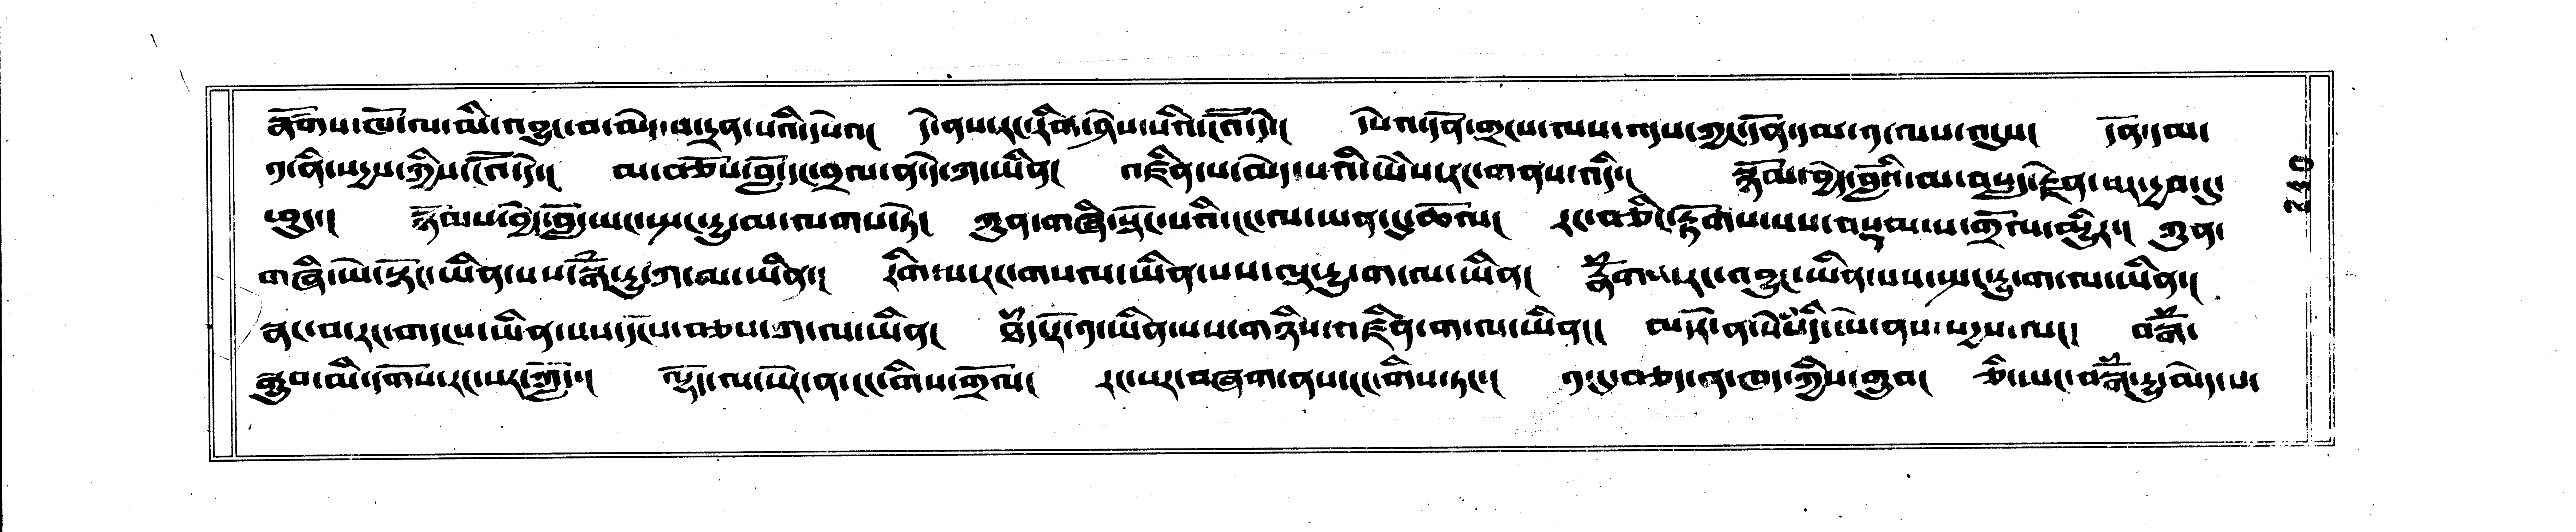སྣ་ཚོགས་ཁོ་ལ་མི་འབྱུང་པ་མེད་པས་དྲན་པའི་དཔེ། དེ་ནས་རང་རིག་ཤེས་པའི་ངོའོ་དེ། དཔེ་དོན་གྲངས་ལས་འདས་ཀྱང་དོན་དམ་གཅིག་ལ་འདུས། དོན་དམ་
་ནི་སངས་རྒྱས་ངོའོ་སྟེ། བཅས་བཅོས་བློ་དང་བྲལ་ན་དེ་ཀ་ཡིན། འཛིན་པ་མེད་པའི་ཡེ་ཤེས་རང་གནས་འདི། སྙམས་བྱེད་བློའི་མ་བསླད་རྗེན་པར་རྒྱབ་ཏུ་
ཕུད། སྙམས་བྱེད་བློ་ཡང་སྤང་རྒྱུ་བ་མ་ལགས་སྟེ། ཀུན་གཞི་སྟོང་པའི་ངང་དུ་ལ་ཡན་དུ་ཆོལ། རང་བཅིང་རྟོག་པས་བསྡམ་པས་གྲོལ་མི་འགྱུར། ཀུན་
གཞི་ཡེ་སྟོང་ཡིན་པས་སྒོམ་རྒྱུ་ག་ལ་ཡིན། རིག་པ་རང་གསལ་ཡིན་‘‘པས”ལྟ་རྒྱུ་ག་ལ་ཡིན། རྣམ་རྟོག་རང་འབྱུང་ཡིན་པས་སྤང་རྒྱུ་ག་ལ་ཡིན། 
སྣང་བ་རང་གདང་ཡིན་པས་དངོས་བཅས་ག་ལ་ཡིན། ཐམས་ཅད་རོ་གཅིག་ཡིན་པས་གཉིས་འཛིན་ག་ལ་ཡིན། མདོར་ན་དེ་ཉིད་ཡེ་ནས་སངས་རྒྱས་ལ། སྒོམས་
སྒྲུབ་མི་དགོས་རང་སར་ཀློད། ཀློད་ལ་བོར་ན་ངང་གིས་གྲོལ། རང་སར་བཞག་ན་སངས་ཀྱིས་དང་། གཅིག་ཏུ་བཅད་ན་ཁད་ཀྱིས་འགྲུབས། མི་ཡེང་༼ཅི་ཡང་༽སྒོམས་དུ་མེད་